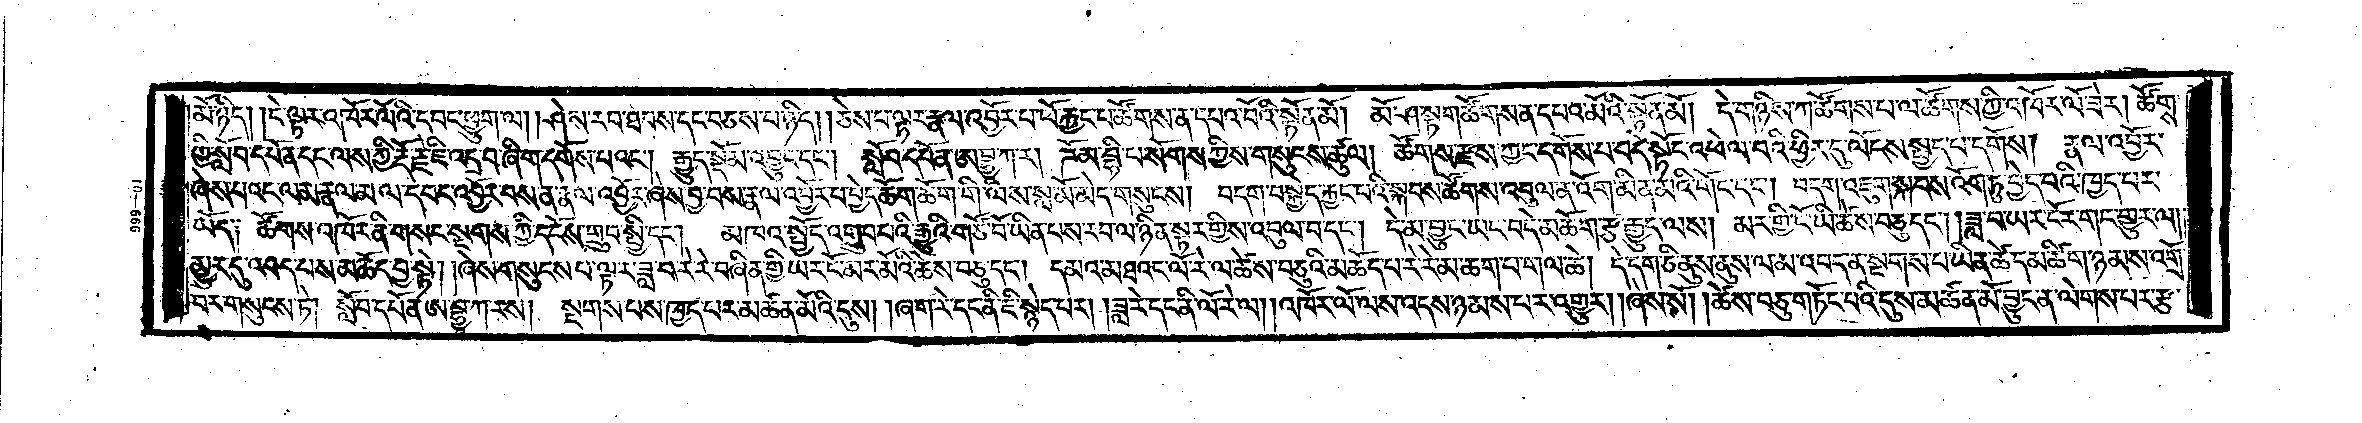མོ་ཉིད། །དེ་ལྟར་འཁོར་ལོའི་དབང་ཕྱུག་ལ། །ཤེས་རབ་ཐབས་དང་བཅས་པ་ཉིད། །ཅེས་པ་ལྟར་རྣལ་འབྱོར་བ་ཕེ་རྐྱང་པ་ཚོགས་ན་དཔའ་བོའི་སྟོན་མོ། མོ་ཤ་སྟག་ཚོགས་ན་དཔའ་མོའི་སྟོན་མོ། དེ་གཉིས་ཀ་ཚོགས་པ་ལ་ཚོགས་
ཀྱི་འཁོར་ལོ་ཟེར། ཚོགས་ཀྱི་སློབ་དཔོན་དང་ལས་ཀྱི་རྡོ་རྗེ་ཇི་འདྲ་བ་ཞིག་དགོས་པའང་། རྒྱུད་སྡོམ་འབྱུང་དང་། སློབ་དཔོན་ཨ་བྷྱཱ་ཀ་ར། ཌོཾ་བྷ་?་པ་སོགས་ཀྱིས་གསུངས་ཚུལ། ཚོགས་རྫས་ཀྱང་དགོས་པ་བདེ་སྟོང་འཕེལ་བའི་ཕྱིར་དུ་ལོངས་སྤྱད་པ་དགོས། རྣལ་འབྱོར་
ཞེས་པའང་ལམ་རྣལ་མ་ལ་དབང་འབྱོར་བས་ན་རྣལ་འབྱོར་ཞེས་བྱ་བས་རྣལ་འབྱོར་པ་བྱེད་ཆོག་ཆོག་གི་ལས་སླ་མོ་མེད་གསུངས། བདག་བསྐྱེད་རྐྱང་པའི་སྐབས་ཚོགས་འབུལ་ན་འོག་མིན་མའི་གོང་དང་། བདག་འཇུག་སྐབས་འོག་ཏུ་བྱེད་པའི་ཁྱད་པར་
ཡོད༑ ཚོགས་འཁོར་ནི་གསང་སྔགས་ཀྱི་དངོས་གྲུབ་སྤྱི་དང་། མཁའ་སྤྱོད་འགྲུབ་པའི་རྒྱུའི་གཙོ་བོ་ཡིན་པས་རབ་ལ་ཉིན་སྟར་གྱིས་འབུལ་བ་དང་། དེ་མ་བྱུང་ཡང་བདེ་མཆོག་རྩ་རྒྱུད་ལས། མར་གྱི་ངོ་ཡི་ཚེས་བཅུ་དང་། །ཟླ་བ་ཡར་ངོར་གང་གྱུར་ལ། །
མྱུར་དུ་འབད་པས་མཆོད་བྱ་སྟེ། །ཞེས་གསུངས་པ་ལྟར་ཟླ་བ་རེ་རེ་བཞིན་གྱི་ཡར་ངོ་མར་མོའི་ཚེས་བཅུ་དང་། དམའ་མཐའང་ལོ་རེ་ལ་ཚེས་བཅུའི་མཆེད་པ་རེ་རེ་མ་ཆག་པ་གལ་ཆེ། དེ་དག་ཅི་ནུས་ནུས་ལ་མ་འབད་ན་སྔགས་པ་ཡིན་ཚེ་དམ་ཚིག་ཉམས་འགྲོ་
བར་གསུངས་ཏེ། སློབ་དཔོན་ཨ་བྷྱཱ་ཀ་རས། སྔགས་པས་ཁྱད་པར་མཚན་མོའི་དུས། །ཞག་རེ་དང་ནི་ཇི་སྙེད་པར། །ཟླ་རེ་དང་ནི་ལོ་རེ་ལ། །འཁོར་ལོ་ལས་འདས་ཉམས་པར་འགྱུར། །ཞེས་སོ། །ཚེས་བཅུ་གཏོང་བའི་དུས་མཚན་མོ་བྱུང་ན་ལེགས་པར་རྩ་